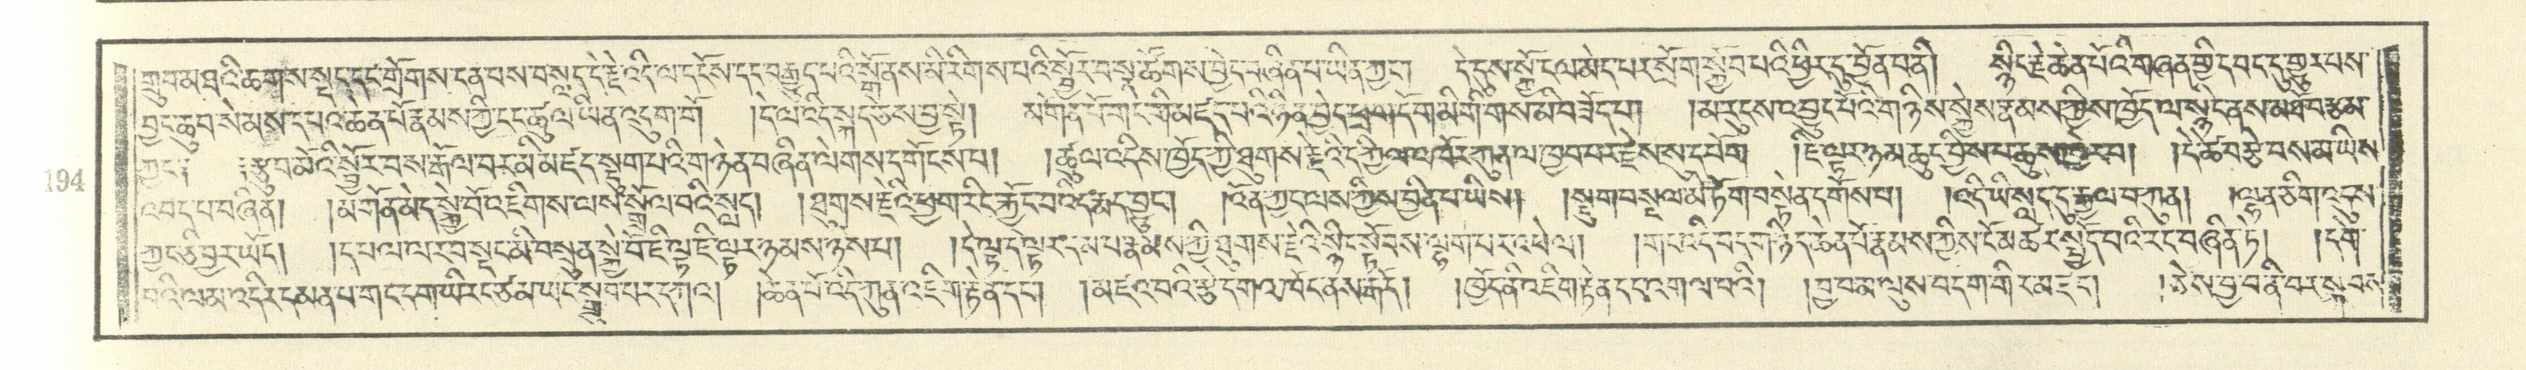གྲུབ་མཐའི་ཆགས་སྡང་དང་གྲོགས་དན་པས་བསླད་དེ་རྗེ་འདི་ལ་དངོས་དང་བརྒྱུད་པའི་སྒོ་ནས་མི་རིགས་པའི་སྦྱོར་བ་སྣ་ཚོགས་བྱེད་བཞིན་པ་ཡིན་ཀྱང་། དེ་དུས་སྐྱོ་ངལ་མེད་པར་སྲོག་སྐྱོབ་པའི་ཕྱིར་དུ་བྱོན་པ་ནི། སྙིང་རྗེ་ཆེན་པོའི་གཞན་གྱི་དབང་དུ་གྱུར་པས་
བྱང་ཆུབ་སེམས་དཔའ་ཆེན་པོ་རྣམས་ཀྱི་ངང་ཚུལ་ཡིན་འདུག་གོ །དེ་ལ་འདི་སྐད་ཅེས་བྱ་སྟེ། མགོན་པོ་གང་གི་མཛད་པའི་ཉིན་བྱེད་ཕྲག་དོག་མི་གི་གས་མི་བཟོད་པ། །མ་རུངས་འབྱུང་པོའི་གཉིས་སྐྱེས་རྣམས་ཀྱིས་ཁྱོད་ལ་སྙིང་ནས་མཐོ་བརྩམ་
ཀྱང༑ ༑རྩུབ་མོའི་སྦྱོར་བས་རྒོལ་བར་མི་མཛད་སྡུག་པའི་གཉེན་བཞིན་ལེགས་དགོངས་པ། །ཚུལ་འདིས་ཁྱོད་ཀྱི་ཐུགས་རྗེའི་དཀྱིལ་འཁོར་ཀུན་ལ་ཁྱབ་པར་རྗེས་སུ་དཔོག །ཇི་ལྟར་ཉམ་ཆུང་བྱིས་པ་ཆུས་ཁྱེར་བ། །དེ་ཚེ་བརྩེ་བས་མ་ཡིས་
འབད་པ་བཞིན། །མགོན་མེད་སྐྱེ་བོ་འཇིགས་ལས་སྒྲོལ་བའི་སླད། །ཐུགས་རྗེའི་ཕྱག་རིང་རྐྱོང་བའི་ད་རྨད་བྱུང་། །འོན་ཀྱང་ལས་ཀྱིས་བྱིན་པ་ཡིས། །སྡུག་བསྔལ་མེ་ཏོག་བསྟེན་དགོས་པ། །འདི་ཡི་སླད་དུ་རྒྱལ་བ་ཀུན། །ལྷན་ཅིག་འདུས་
ཀྱང་ཅི་བྱར་ཡོད། །དཔལ་ལ་རབ་སྡང་མི་བསྲུན་སྐྱེ་བོ་ཇི་ལྟ་ཇི་ལྟར་ཉམས་ཉེས་པ། །དེ་ལྟ་དེ་ལྟར་དམ་པ་རྣམས་ཀྱི་ཐུགས་རྗེའི་སྙིང་སྟོབས་ལྷག་པར་འཕེལ། །གང་འདི་བདག་ཉིད་ཆེན་པོ་རྣམས་ཀྱིས་ངོ་མཚར་སྤྱོད་པའི་རང་བཞིན་ཏེ། །དགེ་
པའི་ལམ་འདིར་དམན་པ་གང་དག་ཡི་རང་ཙམ་ཡང་སྒྲུབ་པར་དཀའ། །ཆེན་པོ་འདི་ཀུན་འཇིག་རྟེན་དང་། །མཛའ་བའི་རྩེ་དགའ་ཁོང་ནས་རྒོད། །ཁྱོད་ནི་འཇིག་རྟེན་དང་འགལ་བའི། །བྱ་བ་མ་ལུས་བདག་གིར་མཛད། །ཅེས་བྱ་བ་ནི་བར་སྐབས་